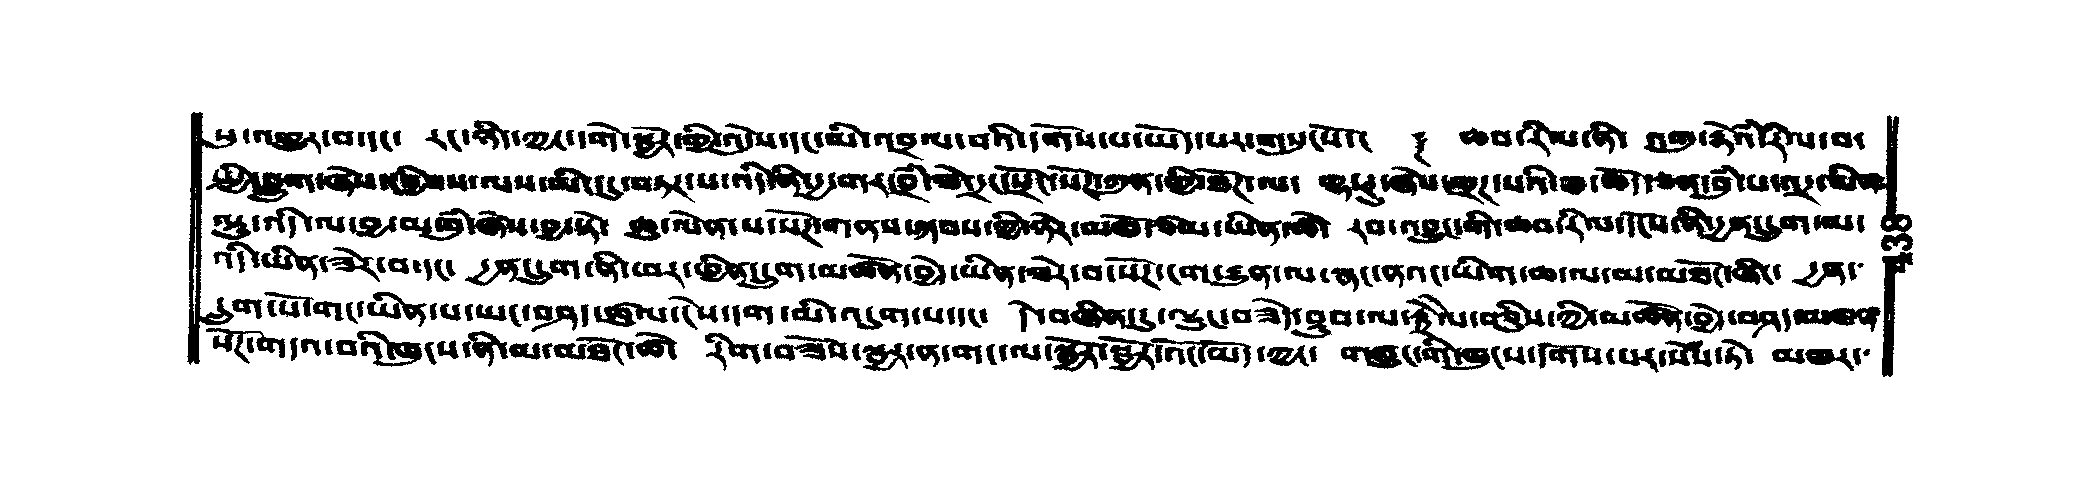སུ་འགྱུར་བ་དང་། རང་ཉིད་ཀྱང་དགེ་སྦྱོར་གྱི་འདུ་ཤེས་དང་མི་འབྲལ་བའི་དགོས་པ་ཡོད་པར་གསུངས་སོ། ཆབ་རིལ་ནི། གུནྡེའམ་རིལ་བ་
སྤྱི་བླུགས་ཞེས་དབྱིབས་ལས་མིང་དུ་བཏགས་པ་འདི་ནི་རྒྱ་གར་བྲམ་ཟེ་དྲང་སྲོང་སོགས་ཀུན་གྱི་ཐོགས་ལ།གྷ་ཊུ་ཞེས་གྲགས་པའི་ཁ་ཆོད་ཅན་བུམ་པ་འདྲ་མིན་
ལྟ་བུ་འདི་ལ་བྱ་མ་བུམ་ཞེས་བྱ་སྟེ། ཆུ་ལེན་པ་སོགས་གནས་སྐབས་ཀྱི་ཉེར་མཁོ་ཙམ་ཡིན་ཚེ། རབ་བྱུང་གི་ཆབ་རིལ་དངོས་ནི་རྒྱན་དྲུག་མ་
འདི་ཡིན་ཟེར་བ་དང་། རྒྱན་དྲུག་ནི་ཕར་ཕྱིན་དྲུག་མཚོན་བྱེད་ཡིན་ཟེར་བ་སོགས་ངག་རྒྱུན་ལ་སྣང་ནའང་ཡིག་ཆ་ལ་མ་མཐོང་ཞིང་། རྒྱན་
དྲུག་པོ་གང་ཡིན་པ་ཡང་བཤད་ཚུལ་ངེས་དག་མི་འདུག་པ་དང་། དེ་བཞིན་དུ་ལྷུང་བཟེད་ཤུབས་ལ་རྟེན་འབྲེལ་བཅུ་གཉིས་ཀྱི་མཚོན་བྱེད་བཤད་མཁན་
སོགས་གདའ་བའི་ཁུངས་ནི་མ་མཐོང་ཚེ། རིག་བཟོས་སྦྱར་ན་གང་ལ་སྦྱོར་སྦྱོར་འོང་མོད་ཀྱང་། གཞུང་གི་ཁུངས་དགོས་པར་སེམས་ཏེ། མཁར་